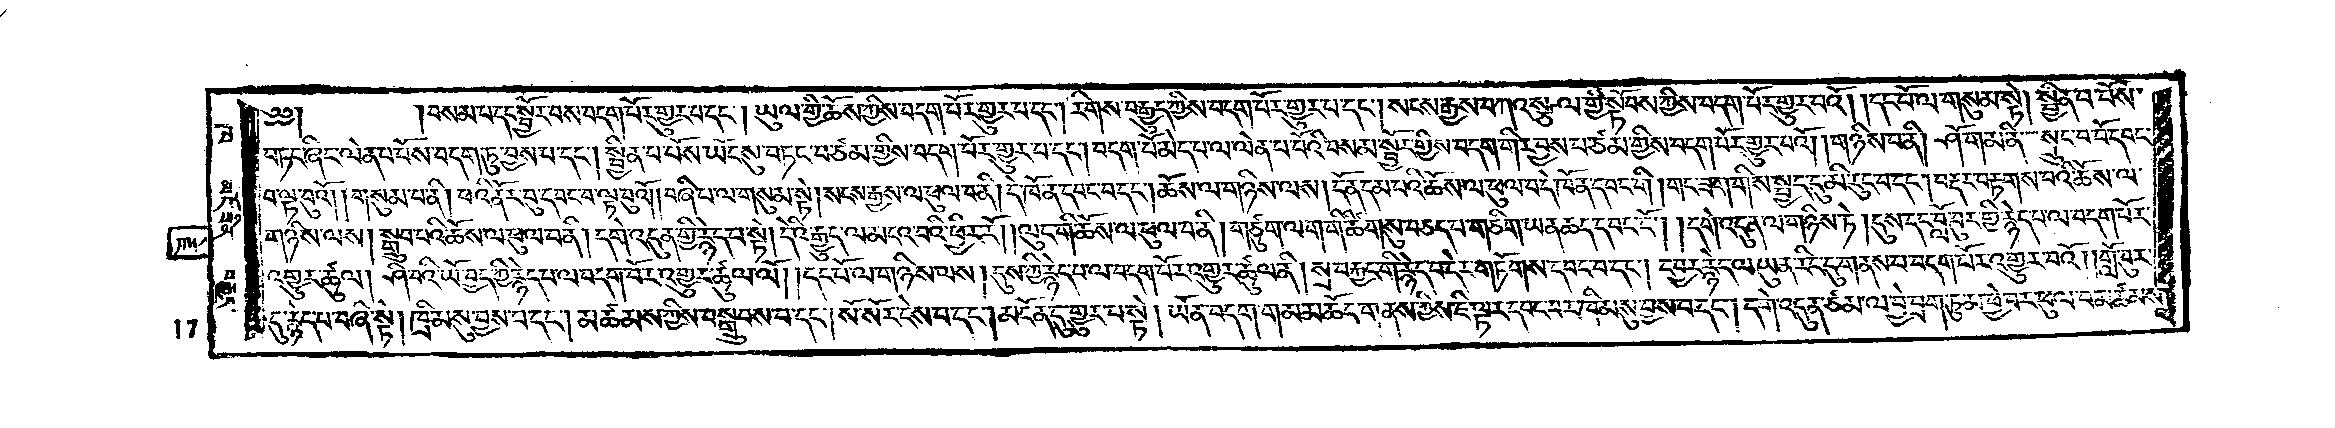༄༅། །བསམ་པ་དང་སྦྱོར་བས་བདག་པོར་གྱུར་བ་དང་། ཡུལ་གྱི་ཆོས་ཀྱིས་བདག་པོར་གྱུར་པ་དང་། རིགས་བརྒྱུད་ཀྱིས་བདག་པོར་གྱུར་པ་དང་། སངས་རྒྱས་བཀའ་སྩལ་གྱི་སྟོབས་ཀྱིས་བདག་པོར་གྱུར་པའོ། །དང་པོ་ལ་གསུམ་སྟེ། སྦྱིན་པ་པོས་
བཏང་ཞིང་ལེན་པ་པོས་བདག་ཏུ་བྱས་པ་དང་། སྦྱིན་པ་པོས་ཡོངས་སུ་བཏང་བ་ཙམ་གྱིས་བདག་པོར་གྱུར་བ་དང་། བདག་པོ་མེད་པ་ལ་ལེན་པ་པོའི་བསམ་སྦྱོར་གྱིས་བདག་གིར་བྱས་པ་ཙམ་གྱིས་བདག་པོར་གྱུར་པའོ། །གཉིས་པ་ནི། ཤོ་གམ་ནི་སྲུང་བ་པོ་དབང་
བ་ལྟ་བུའོ། །གསུམ་པ་ནི། ཕའི་ནོར་བུ་དབང་བ་ལྟ་བུའོ། །བཞི་པ་ལ་གསུམ་སྟེ། སངས་རྒྱས་ལ་ཕུལ་བ་ནི། དེ་ཁོ་ན་དབང་བ་དང་། ཆོས་ལ་གཉིས་ལས། དོན་དམ་པའི་ཆོས་ལ་ཕུལ་བ་དེ་ཁོ་ན་དབང་གི །གང་ཟག་གིས་སྤྱད་དུ་མི་རུང་བ་དང་། བརྡར་བརྟགས་པའི་ཆོས་ལ་
གཉིས་ལས། སྒྲུབ་པའི་ཆོས་ལ་ཕུལ་བ་ནི། དགེ་འདུན་གྱི་རྙེད་པ་སྟེ། དེའི་རྒྱུད་ལ་མངའ་བའི་ཕྱིར་རོ། །ལུང་གི་ཆོས་ལ་ཕུལ་བ་ནི། གཙུག་ལག་གི་ཚིགས་སུ་བཅད་པ་གཅིག་ཡན་ཆད་དབང་ངོ། །དགེ་འདུན་ལ་གཉིས་ཏེ། དུས་དང་བློ་བུར་གྱི་རྙེད་པ་ལ་བདག་པོར་
འགྱུར་ཚུལ། ཤི་བའི་ཡོ་བྱད་ཀྱི་རྙེད་པ་ལ་བདག་པོར་འགྱུར་ཚུལ་ལོ། །དང་པོ་ལ་གཉིས་ལས། དུས་ཀྱི་རྙེད་པ་ལ་བདག་པོར་འགྱུར་ཚུལ་ནི། སྲ་བརྐྱང་གི་རྙེད་པ་དེར་གཏོགས་དབང་བ་དང་། དབྱར་རྙེད་ལ་ཡུན་རིང་དུ་གནས་པ་བདག་པོར་འགྱུར་བའོ། །གློ་བུར་
དུ་རྙེད་པ་བཞི་སྟེ། ཁྲིམས་སུ་བྱས་པ་དང་། མཚམས་ཀྱིས་བསྒྲུབས་པ་དང་། སོ་སོར་ངེས་པ་དང་། མངོན་དུ་གྱུར་པ་སྟེ། ཡོན་བདག་གམ་མཆོད་གནས་ཀྱིས་ཇི་ལྟར་དབང་བར་ཁྲིམས་སུ་བྱས་པ་དང་། དགེ་འདུན་ཙམ་ལ་བྱེ་བྲག་ཏུ་མ་ཕྱེ་བར་ཕུལ་བ་མཚམས་